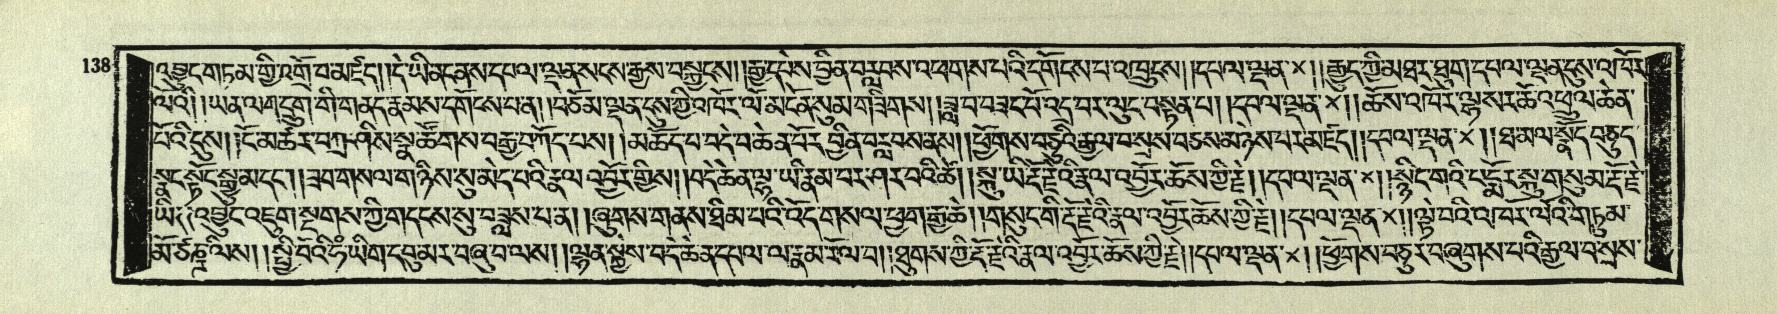འབྱུང་གཏམ་གྱི་འགྲོ་བ་མཛད། །དེ་ཡི་ནང་ནས་དཔལ་ལྡན་སངས་རྒྱས་བསྐྱངས། །རྒྱ་དཔེས་བྱིན་བརླབས་འཕགས་པའི་དགོངས་པ་འཁྲུངས། །དཔལ་ལྡན་྾། །རྒྱུད་ཀྱི་མཐར་ཐུག་དཔལ་ལྡན་དུས་འཁོར་
ལོའི། །ཡན་ལག་དྲུག་གི་གནད་རྣམས་དགོངས་པ་ན། །བཅོམ་ལྡན་དུས་ཀྱི་འཁོར་ལོ་མངོན་སུམ་གཟིགས། །ཟླ་བ་བཟང་པོ་འདྲ་བར་ལུང་བསྟན་པ། །དཔལ་ལྡན་྾། །ཆོས་འཁོར་ལྷ་སར་ཆོ་འཕྲུལ་ཆེན་
པོའི་དུས། །ངོ་མཚར་བཀྲ་ཤིས་སྣ་ཚོགས་བརྒྱ་བཀོད་པས། །མཆོད་པ་བདེ་བ་ཆེན་པོར་བྱིན་བརླབས་ནས། །ཕྱོགས་བཅུའི་རྒྱལ་བ་སྲས་བཅས་མཉེས་པར་མཛད། །དཔལ་ལྡན་྾། །ཐ་མལ་སྣོད་བཅུད་
སྣང་སྟོང་སྒྱུ་མ་དང་། །ཟབ་གསལ་གཉིས་སུ་མེད་པའི་རྣལ་འབྱོར་གྱིས། །བདེ་ཆེན་ལྷ་ཡི་རྣམ་པར་ཤར་བའི་ཚེ། །སྐུ་ཡི་རྡོ་རྗེའི་རྣལ་འབྱོར་ཆོས་ཀྱི་རྗེ། །དཔལ་ལྡན་྾། །སྙིང་གའི་པདམོར་སྐུ་གསུམ་རྡོ་རྗེ་
ཡི༑ ༑འབྱུང་འཇུག་སྔགས་ཀྱི་གདངས་སུ་བཟླས་པ་ན། །ཞུགས་གནས་ཐིམ་པའི་འོད་གསལ་ཕྱག་རྒྱ་ཆེ། །གསུང་གི་རྡོ་རྗེའི་རྣལ་འབྱོར་ཆོས་ཀྱི་རྗེ། །དཔལ་ལྡན་྾། །ལྟེ་བའི་འཁོར་ལོའི་གཏུམ་
མོ་ཙཎྜ་ལིས། །སྤྱི་བོའི་ཧཾ་ཡིག་དབུ་མར་བཞུ་བ་ལས། །ལྷན་སྐྱེས་བདེ་ཆེན་དཔལ་ལ་རྣམ་རོལ་བ། །ཐུགས་ཀྱི་རྡོ་རྗེའི་རྣལ་འབྱོར་ཆོས་ཀྱི་རྗེ། །དཔལ་ལྡན་྾། །ཕྱོགས་བཅུར་བཞུགས་པའི་རྒྱལ་བ་སྲས་